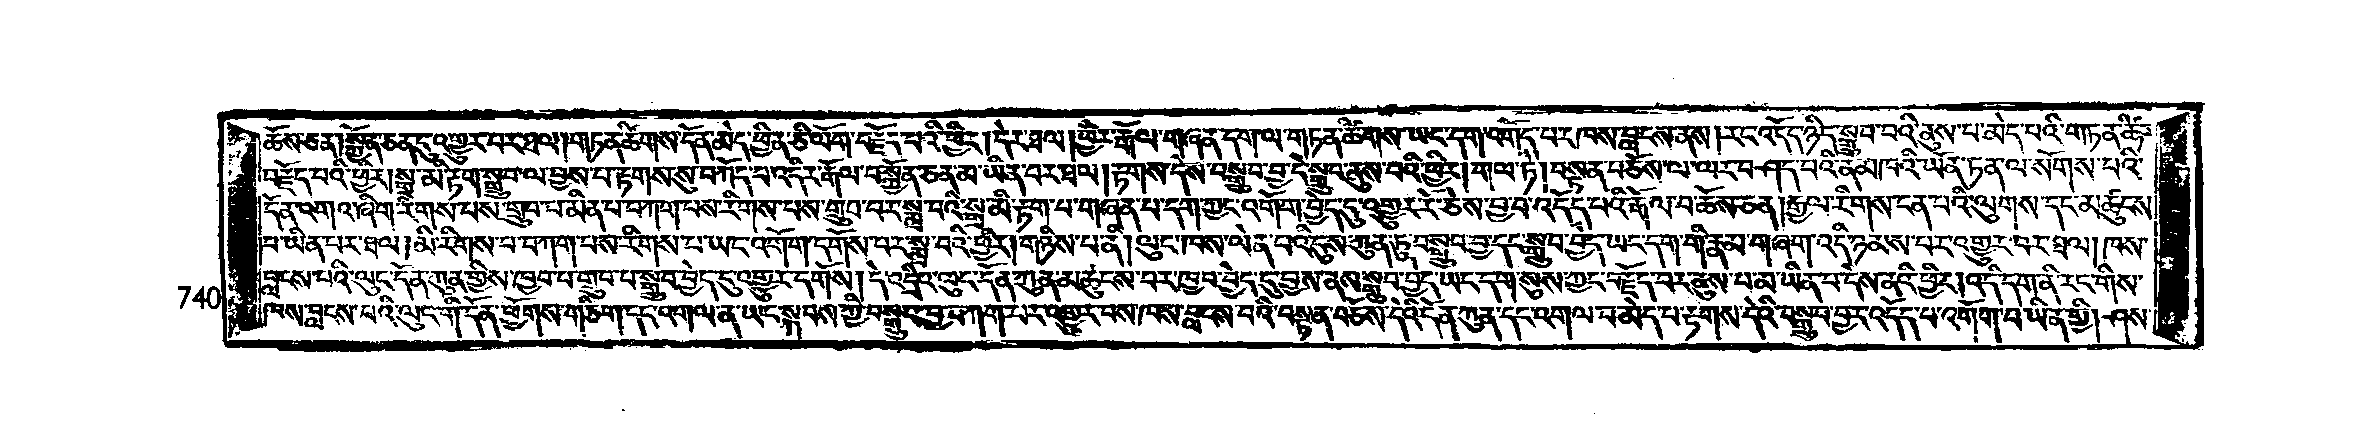ཆོས་ཅན། སྐྱོན་ཅན་དུ་འགྱུར་བར་ཐལ། གཏན་ཚིགས་དོན་མེད་ཕྱིན་ཅི་ལོག་བརྗོད་པའི་ཕྱིར། དེར་ཐལ། ཕྱིར་རྒོལ་གཞན་དག་ལ་གཏན་ཚིགས་ཡང་དག་འགོད་པར་ཁས་བླངས་ནས། རང་འདོད་ཉིད་སྒྲུབ་པའི་ནུས་པ་མེད་པའི་གཏན་ཚིཌ་
བརྗོད་པའི་ཕྱིར། སྒྲ་མི་རྟག་སྒྲུབ་ལ་བྱས་པ་རྟགས་སུ་བཀོད་པ་འདིར་རྒོལ་བ་སྐྱོན་ཅན་མ་ཡིན་པར་ཐལ། རྟགས་དེས་བསྒྲུབ་བྱ་དེ་སྒྲུབ་ནུས་པའི་ཕྱིར། གལ་ཏེ། བསྟན་བཅོས་ལ་ལར་བཤད་པའི་ནམ་མཁའི་ཡོན་ཏན་ལ་སོགས་པའི་
དོན་འགའ་ཞིག་རིགས་པས་གྲུབ་པ་མིན་པ་བཀག་པས་རིགས་པས་གྲུབ་པར་སྨྲ་བའི་སྒྲ་མི་རྟག་པ་གཞན་པ་དག་ཀྱང་འགོག་བྱེད་དུ་འགྱུར་རོ་ཅེས་བྱ་བ་འདོད་པའི་རྒོལ་བ་ཆོས་ཅན། རྒྱལ་རིགས་ངན་པའི་ལུགས་དང་མཚུངས་
པ་ཡིན་པར་ཐལ། མི་རིགས་པ་བཀག་པས་རིགས་པ་ཡང་འགོག་དགོས་པར་སྨྲ་བའི་ཕྱིར། གཉིས་པ་ནི། ལུང་ཁས་ལེན་པའི་དུས་ཀུན་ཏུ་བསྒྲུབ་བྱ་དང་སྒྲུབ་བྱེད་ཡང་དག་གི་རྣམ་གཞག་འདི་ཉམས་པར་འགྱུར་བར་ཐལ། ཁས་
བླངས་པའི་ལུང་དོན་ཀུན་གྱིས་ཁྱབ་པ་གྲུབ་པ་སྒྲུབ་བྱེད་དུ་འགྱུར་དགོས། དེ་འདྲའི་ལུང་དོན་ཀུན་མཚུངས་པར་ཁྱབ་བྱེད་དུ་བྱས་ནས་སྒྲུབ་བྱེད་ཡང་དག་སུས་ཀྱང་བརྗོད་པར་ནུས་པ་མ་ཡིན་པ་དེས་ནའི་ཕྱིར། འདི་དག་ནི་རང་གིས་
ཁས་བླངས་པའི་ལུང་གི་དོན་ཕྱོགས་གཅིག་དང་འགལ་ན་ཡང་སྐབས་ཀྱི་བསྒྲུབ་བྱ་བཀག་པར་འགྱུར་བས་ཁས་བླངས་པའི་བསྟན་བཅོས་དེའི་དོན་ཀུན་དང་འགལ་བ་མེད་པ་རྟགས་དེའི་བསྒྲུབ་བྱར་འདོད་པ་འགོག་པ་ཡིན་གྱི། ཤེས་